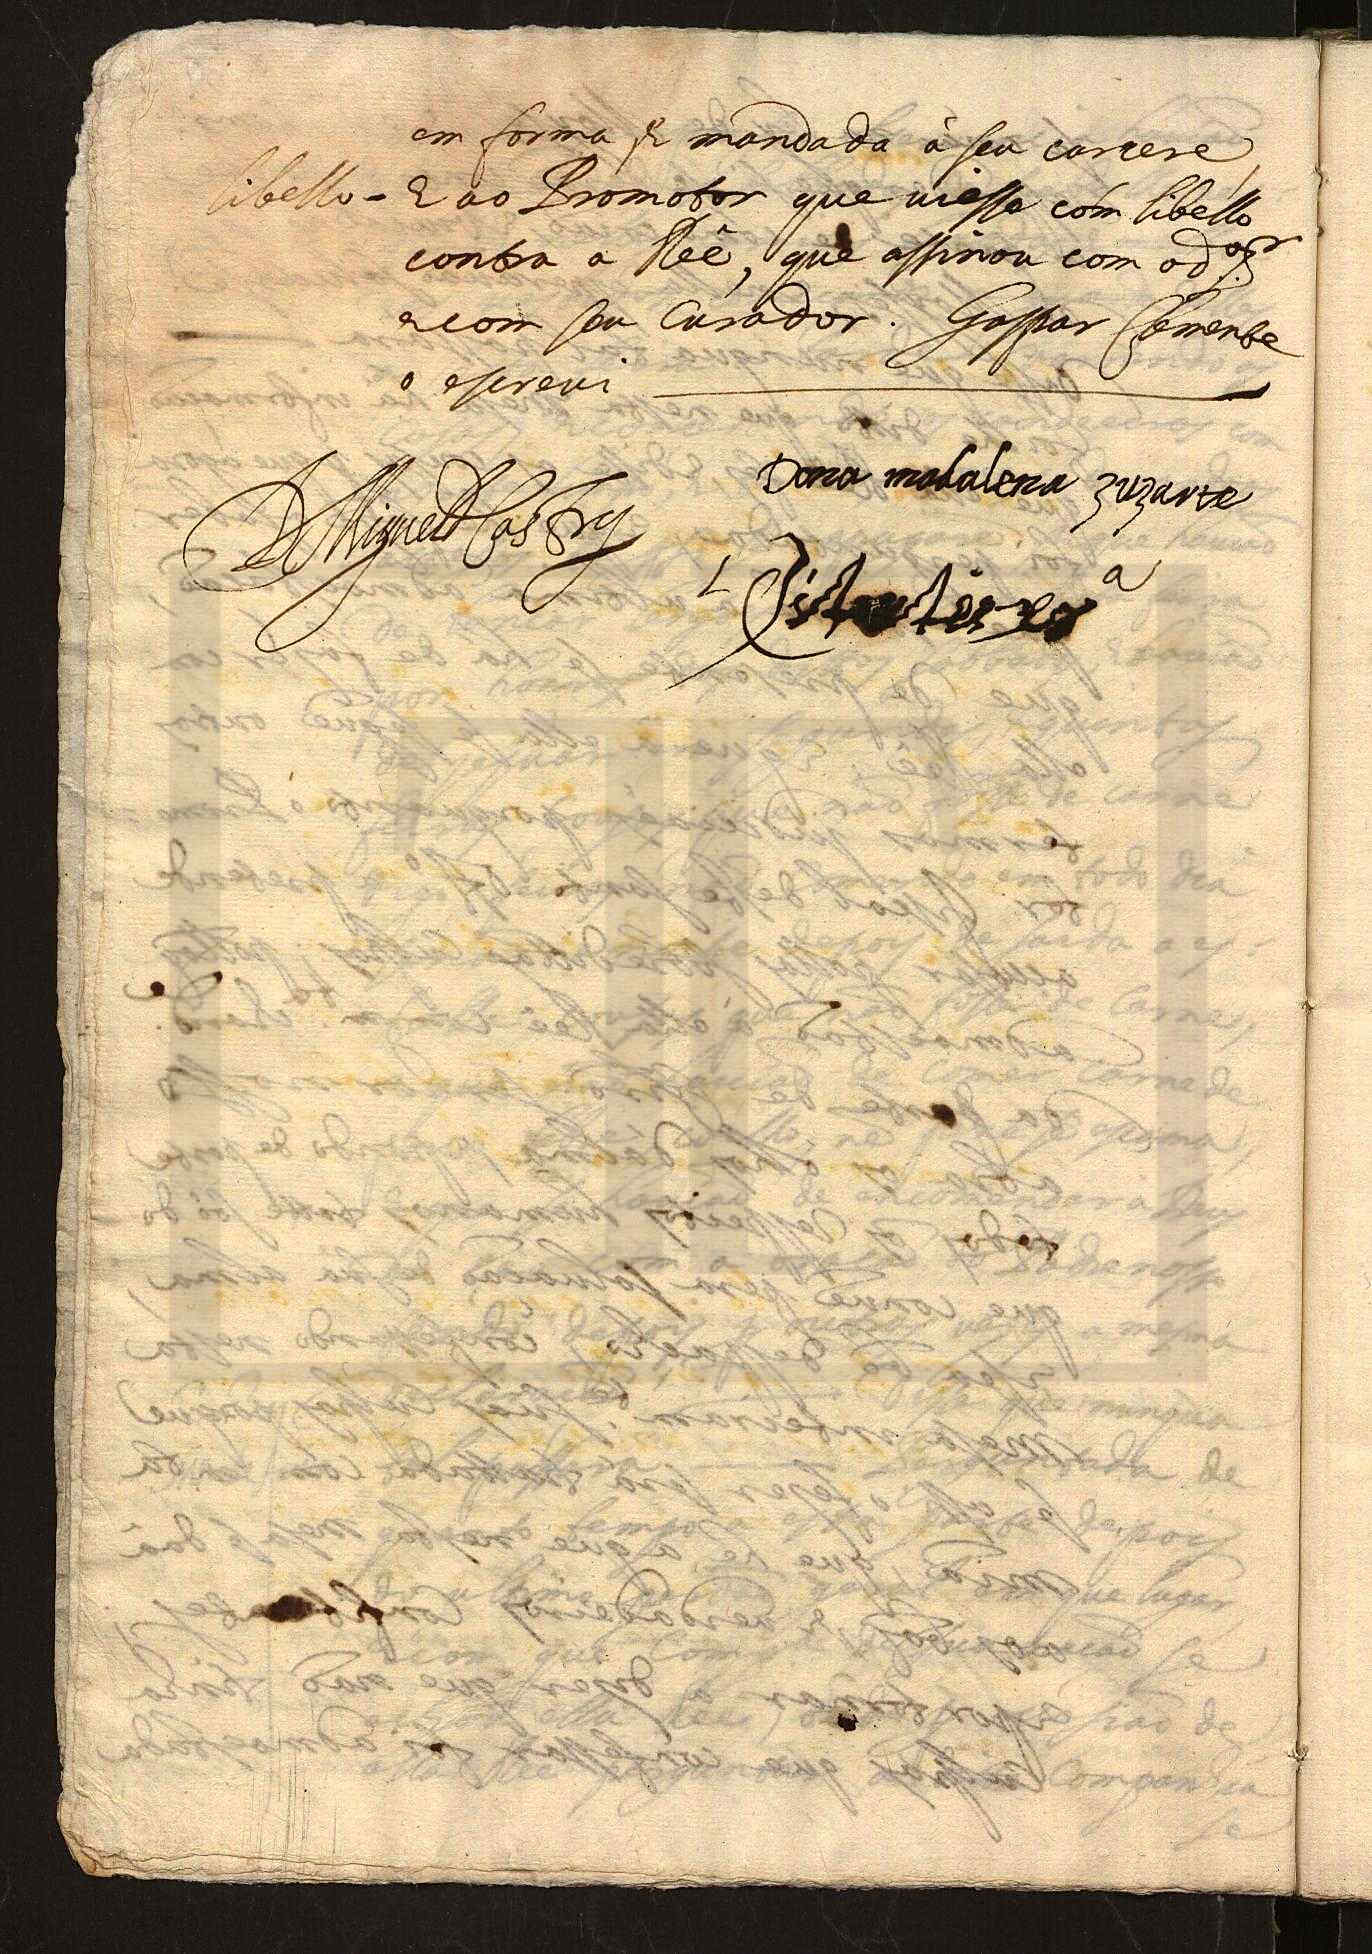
em forma, E mandada á seu carcere,
libello
E ao Promotor que uiesse com libello
contra a Reê, que assinou com o d.o s.r
E com seu curador. Gaspar Clemente
o escreui
